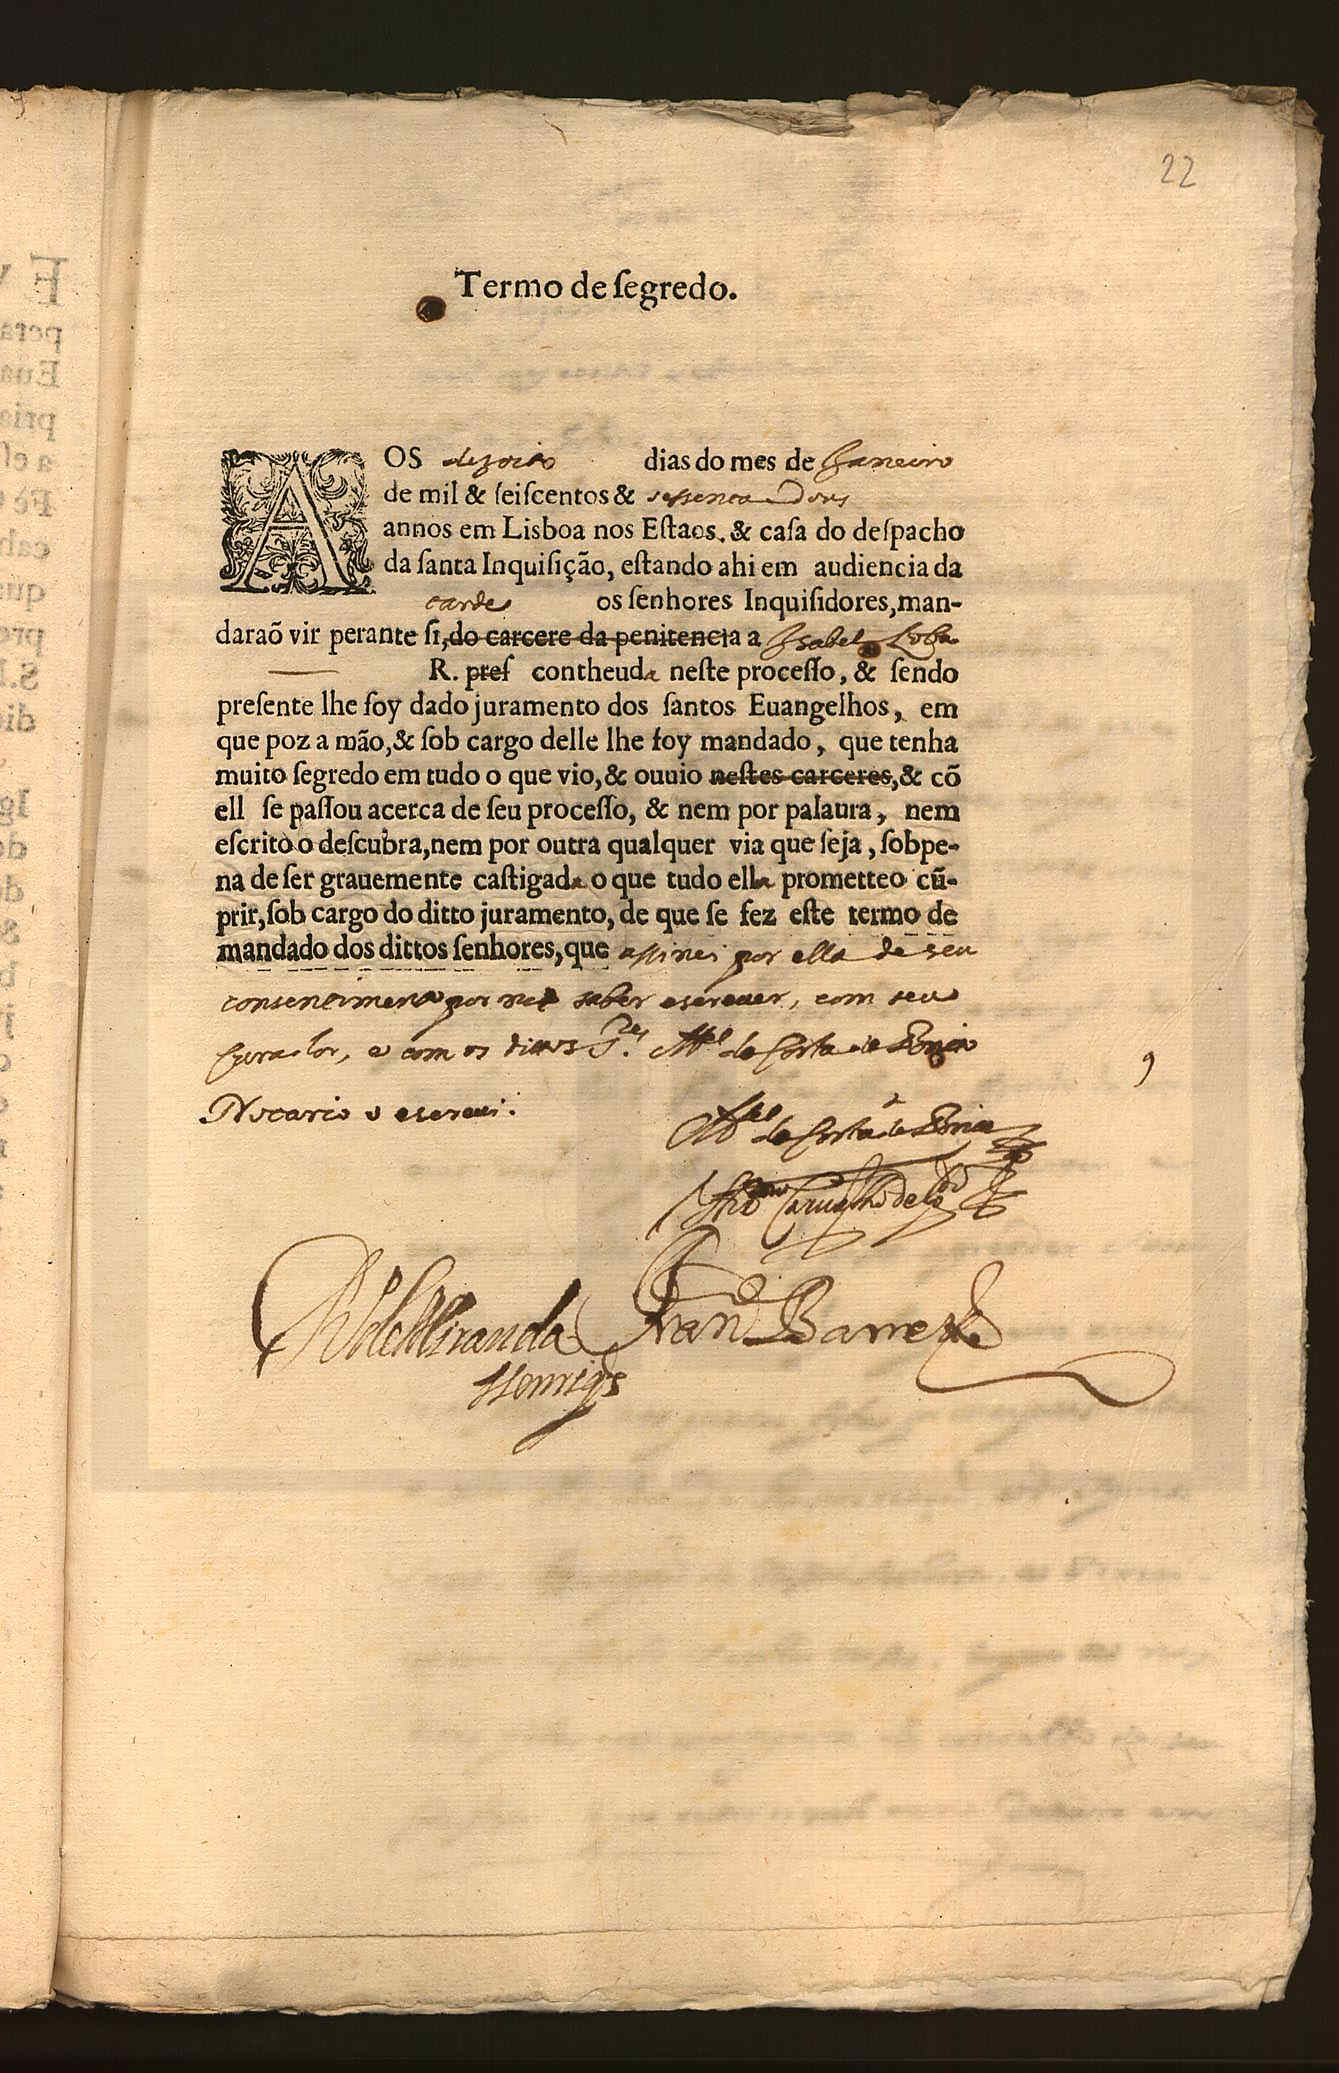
Termo de segredo.
OS dezoito dias do mes de Janeiro
de mil & seiscentos & sessenta dous
annos em Lisboa nos Estaos, & casa do despacho
da santa Inquisição, estando ahi em audiencia da
tarde os senhores Inquisidores, man
daraõ vir perante si, do carcere da penitencia a Jsabel Loba
— R. pres contheuda neste processo, & sendo
presente lhe foy dado juramento dos santos Euangelhos, em
que poz a mão, & sob cargo delle lhe foy mandado, que tenha
muito segredo em tudo o que vio, & ouuio nestes carceres, & cō
ell se passou acerca de seu processo, & nem por palaura, nem
escrito o descubra, nem por outra qualquer via que seja, sob pe
na de ser grauemente castigada o que tudo ella prometteo cū
prir, sob cargo do ditto juramento, de que se fez este termo de
mandado dos dittos senhores, que assinei por ella de seu
consentimento por naõ saber escreuer, com seu
Curador, e com os dittos Sres. Mel da Costa de Britto
Notario o escreui.
Mel da Costa de Brito
Hirmo Carualho delgdo
Franco Barretto
Ro de Miranda
Henriq̄s
